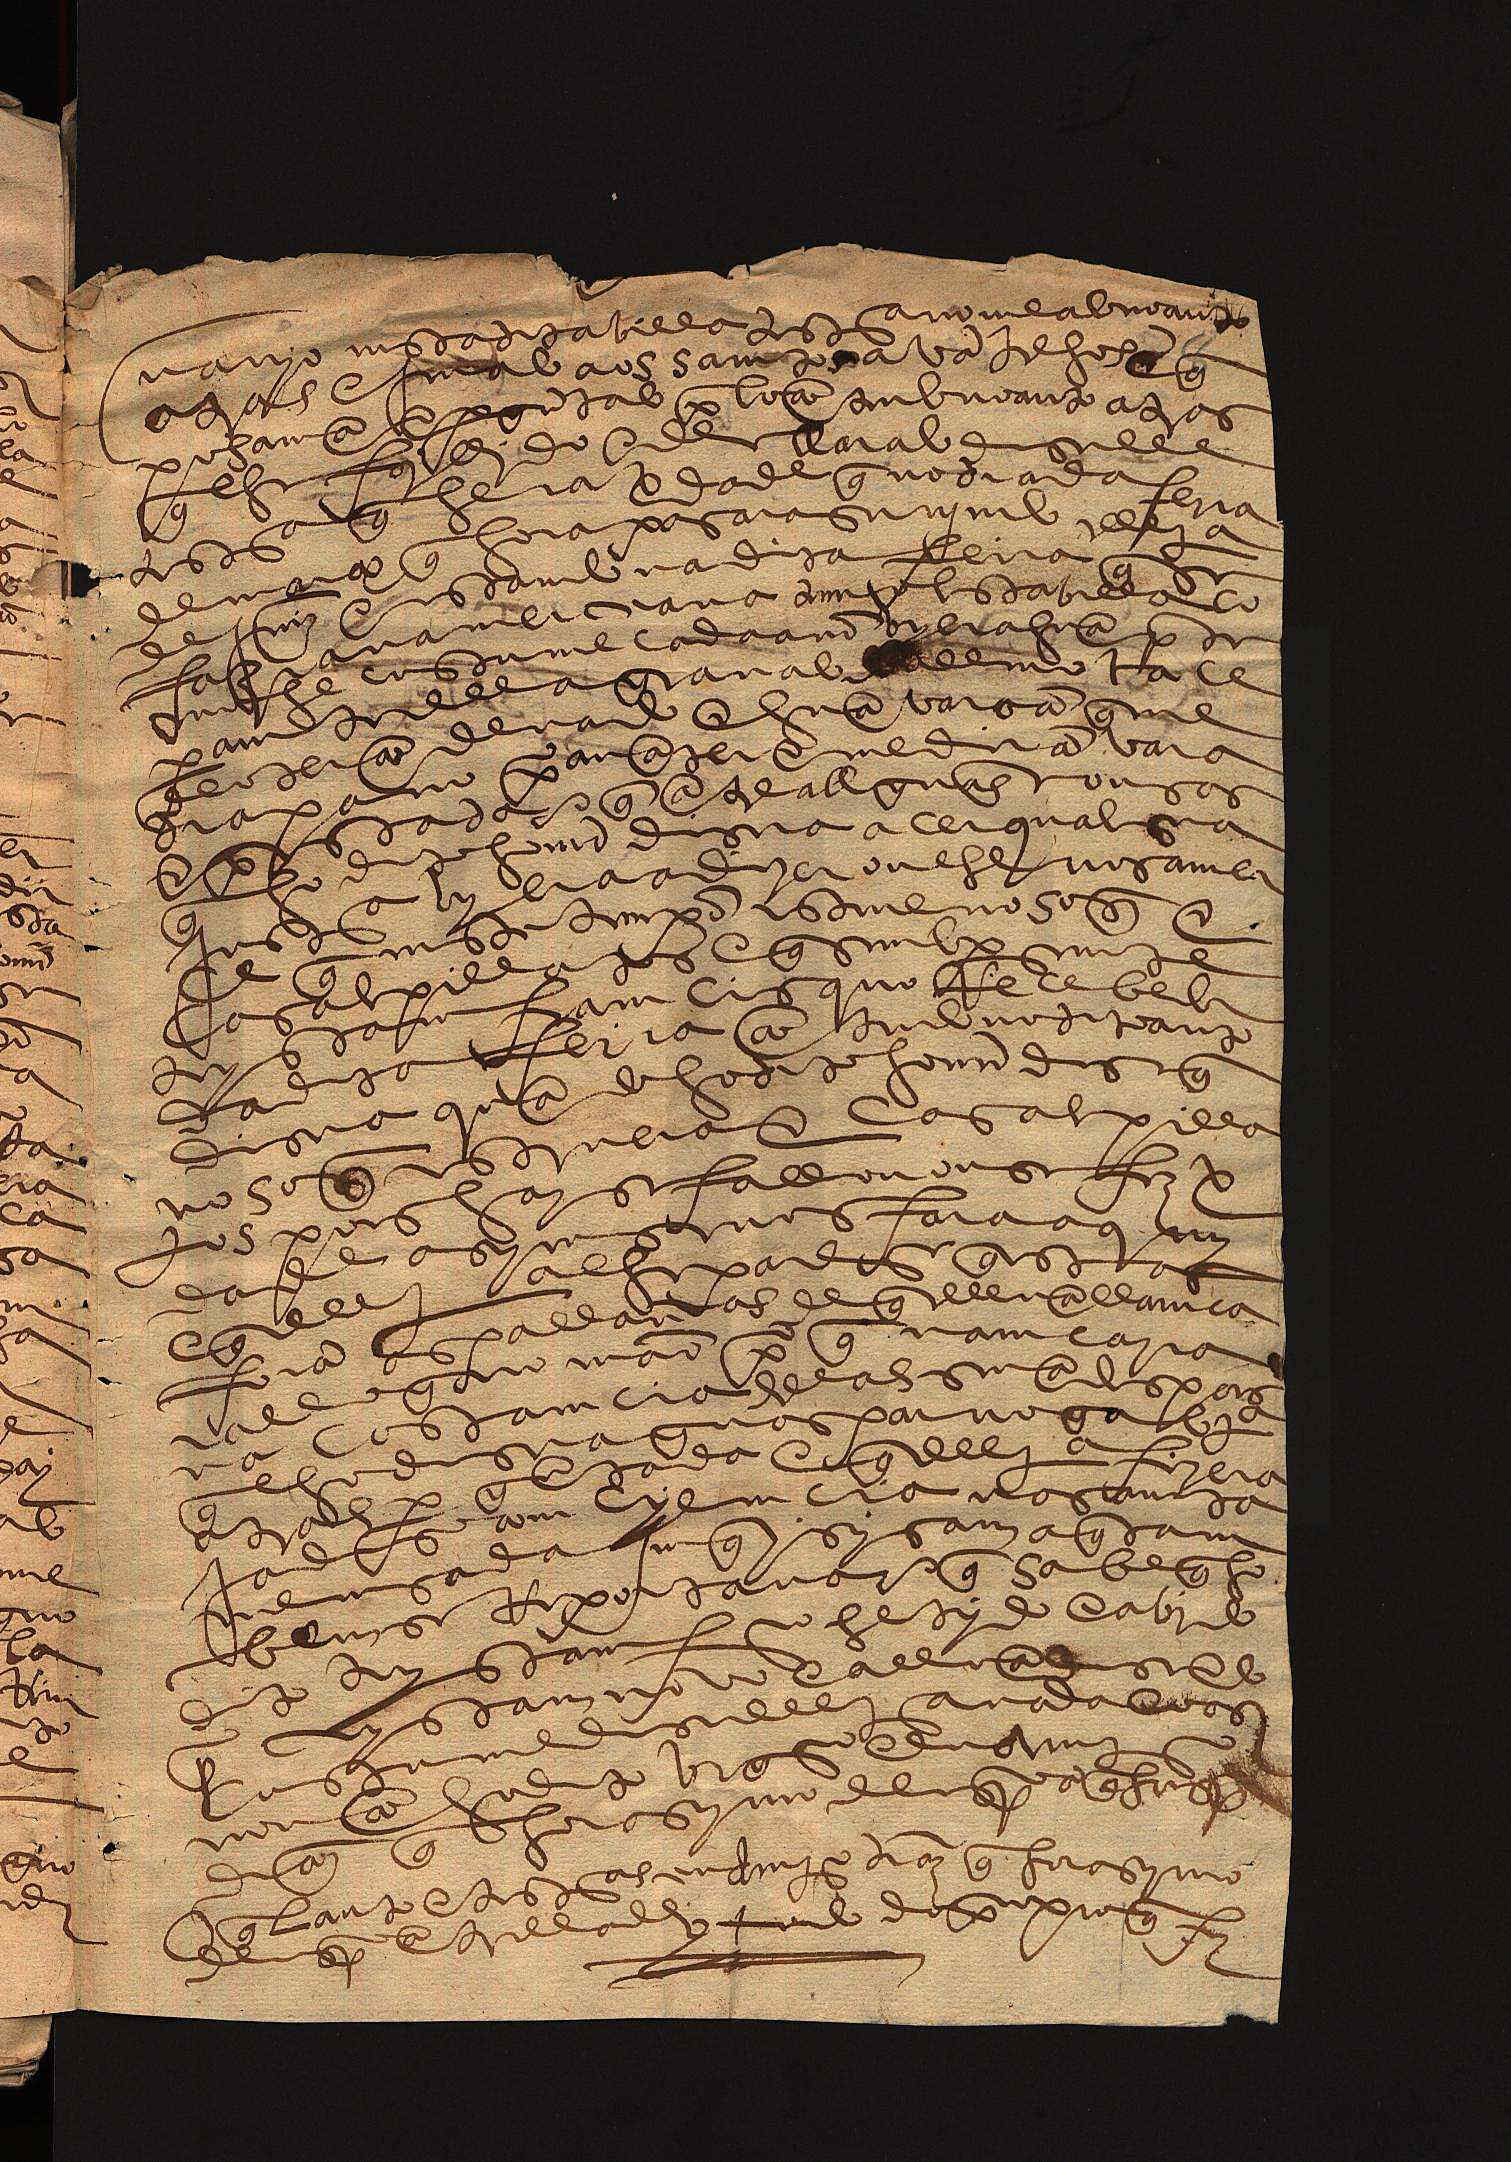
naryo nesta dita villa testa nomeado no auto
atras e Jurado aos samtos avāJelhos ē q̄
pos sua mā e ꝑgūtado p̄lo cōteudo no auto atras
q̄ lhe foy lljdo e decllarado dise elle
testa q̄ hera ꝟdade q̄ no dia da feira
de março q̄ hora pasara serujndo elle ta
de Juiz e estando na dita feira q̄ se
fazia na merceana termo desta villa co
mo he custume cada anō vyera huā p̄te
ꝑamte elle agrauado do allmotace
de o ter c̄odenado ē huā vara cō q̄ me
dia pano p̄o a nā ter e medir cō vara
ēp̄estada e q̄ ātre allguās cousas
o dito homē disera acerqua de sua
Justa vyera a dizer oulhe uosa mer
ce q̄ neste tempo esteue noso s̄r ē
casa de pillatos e q̄ sendo ꝑsemte
trystam framcisquo Recebedor
da dita feira c̄oteudo no dito auto
disera quādo ho dito homē dise q̄
noso s̄r estjuera ē casa de pilla
tos pois haj se fallou ou se fez ꝟ
dade asym se uos fara aquy
e q̄ elle ta lhe parese q̄ estas
forā as pallauras de q̄ elle nā llamça
ra lloguo mão p̄oq̄ nam cajra
na costamcia dellas senā despois
q̄ lho desera guaspar uogado ta
atras ꝑgūtada e q̄ elle ta fizera
Ja diso comcyemcia na samta
memsa da Jmq̄jsysam a q̄ tam
bem se Reportaua e q̄ sabe q̄ ho
dito trystam frco he tydo e avjdo
p̄o crystam novo e all nā dise e do
custume dise elle ta nada e o asj
nou c̄o ho dito vigro e eu Amto
diaz q̄ hora syruo de esp̄vā q̄ ho esp̄
O q̄l auto e testas eu Amto diaz q̄ hora syruo
de esp̄vā trelladey tudo do p̄ropio q̄ fiz
